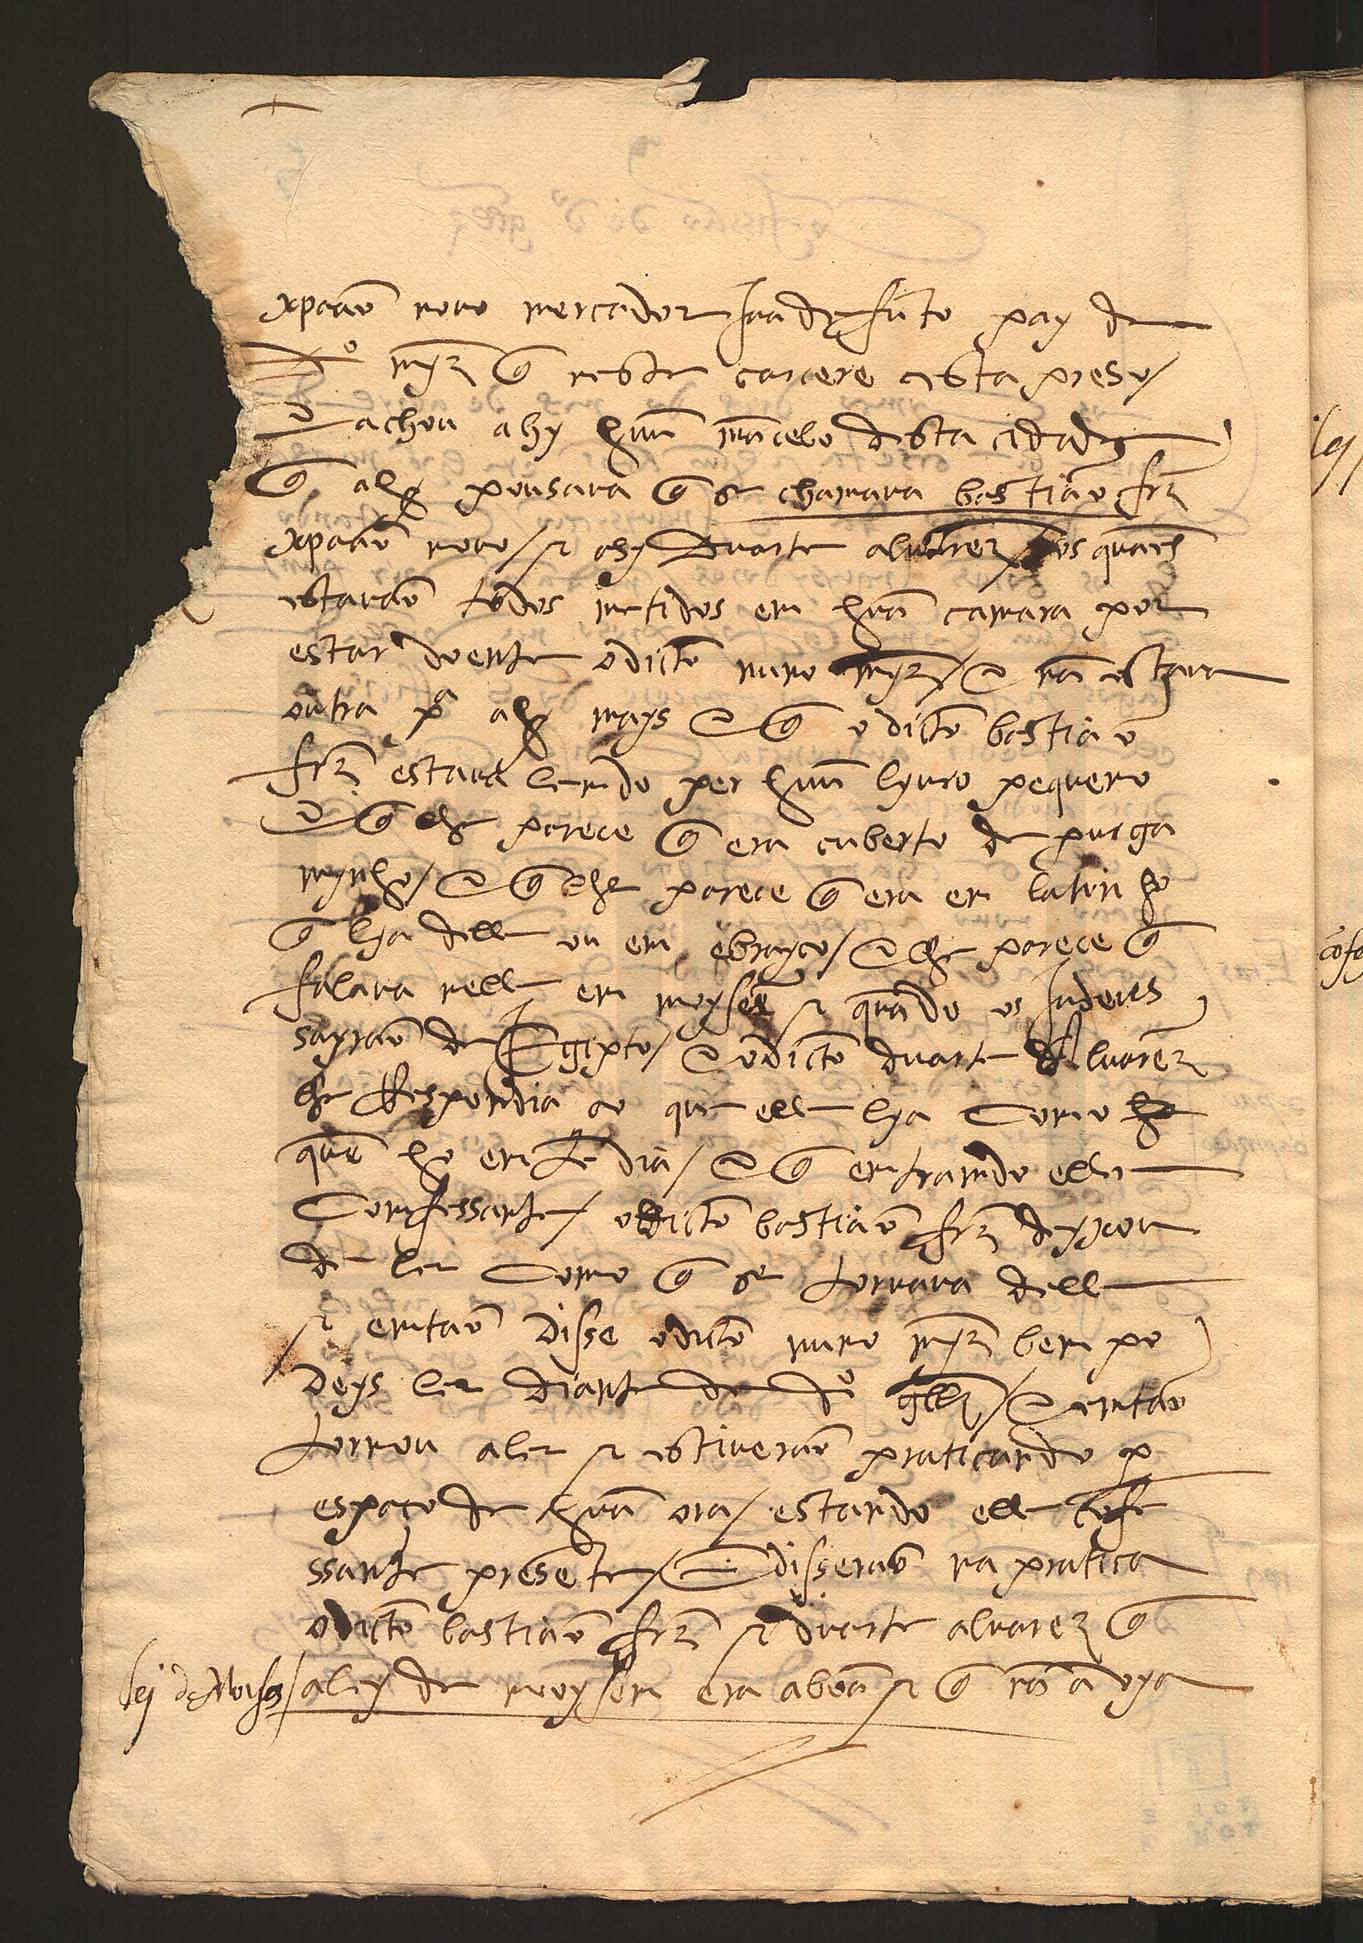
xpaão nouo mercador Jaa defūto pay de
Do m̄yz q̄ neste carcere esta preso /
e achou ahy hūu mācebo desta cidade
q̄ ahy pousaua q̄ se chamaua bastião fr̄z
xpaão nouo / e asy Duarte aluārez / os q̄uaes
estauão todos metidos em hūa camara por
estar doente o dict̄o nuno m̄yz / e nā estaua
outra pa ahy mays e q̄ o dic̄to bastiaõ
fr̄z estaua lemdo per hūu lyuro pequeno
e q̄ lhe parece q̄ era cuberto de purga
mynho / e q̄ lhe parece q̄ era em latin ho
q̄ lya delle ou em ebrayco / e lhe parece q̄
falaua nelle em moysēs e quādo os Judeus
sayrão de Egipto/ e o dīcto duarte Aluar̄ez
lhe Respondia ao que elle lya Como he
q̄ue ho emtēdia / e q̄ emtramdo elle
Comfessante / o dic̄to bastiaõ fr̄z deyxou
de ler como q̄ se tornaua delle
e emtaõ disse o dic̄to nuno m̄iz bem po
deys ler diante de do ḡllz / e emtão
tornou a ler e estiuerão praticando ꝑ
espaço de hūa ora / estando elle cōfe
ssante presēte / E disseraõ na pratica
o dic̄to bastiaõ fr̄z e duarte aluarez q̄
lej de Moises /
a ley de moysem era a bōa e q̄ nā avya
